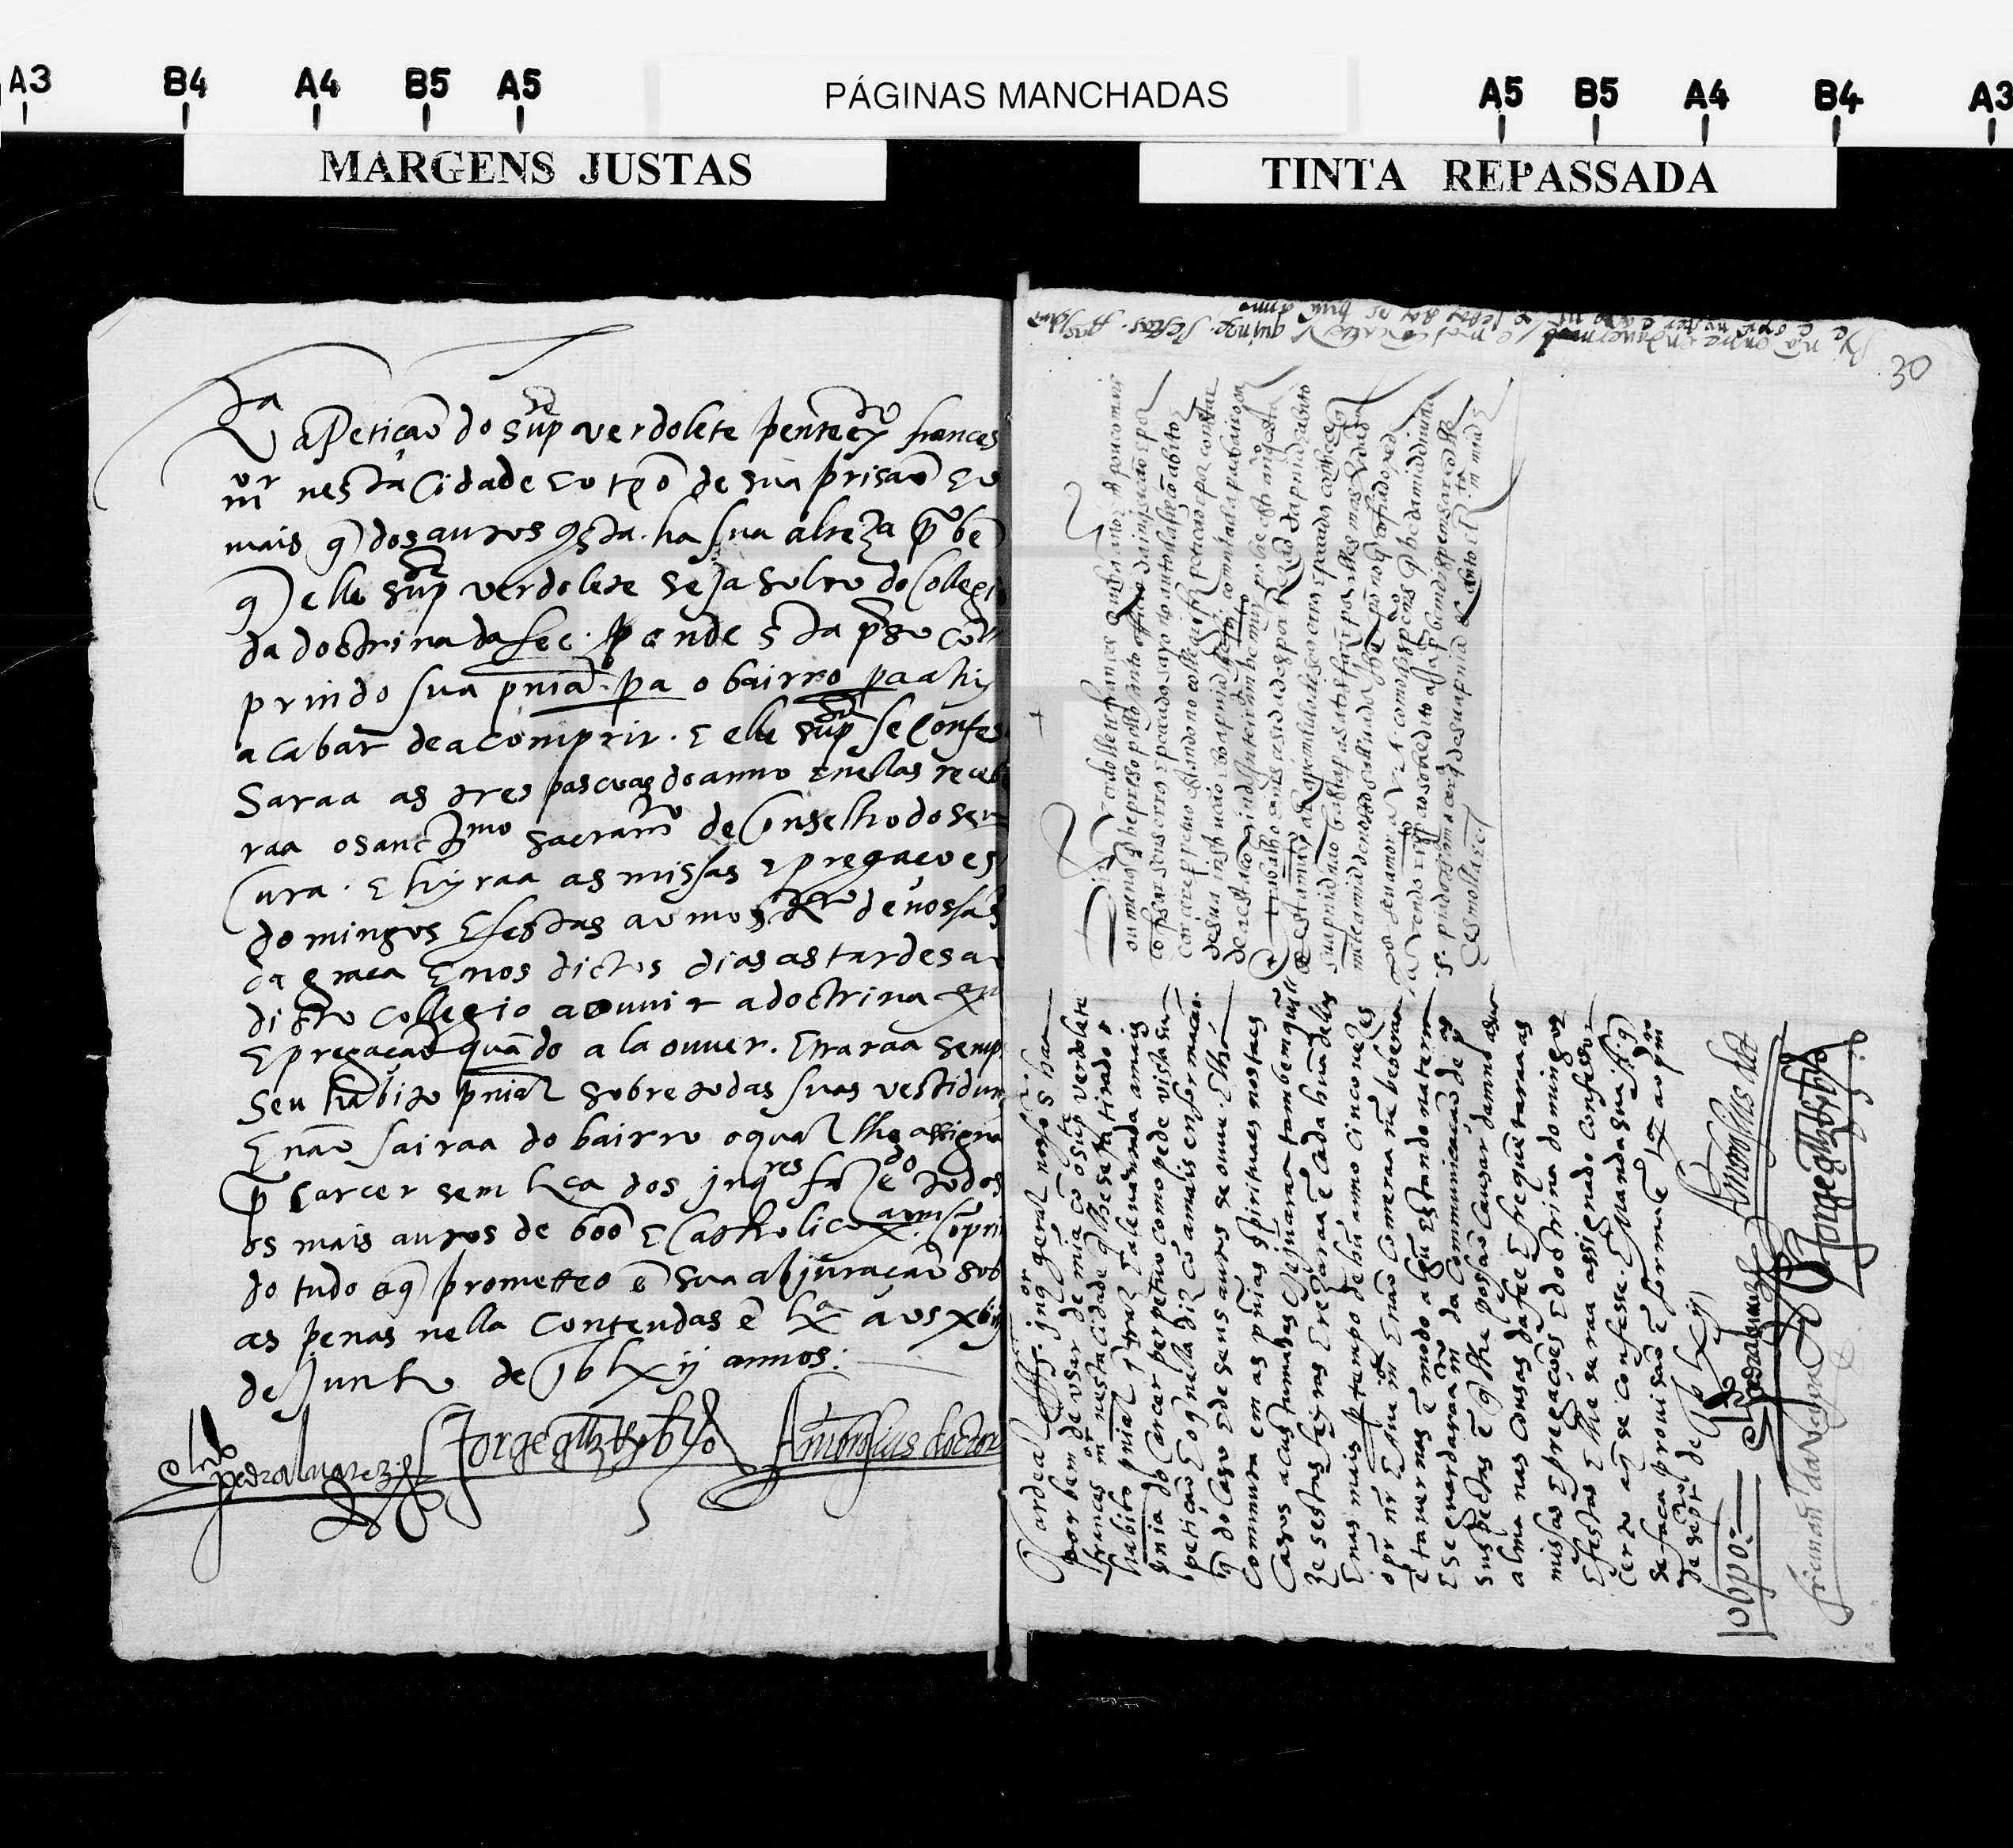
Vta a Petiçaõ do supte verdolete penteeyro frances
mor nesta Cidade E o tpō de sua prisaõ E o
mais q̄ dos autos ꝯsta ha sua alteza p̄o bē
q̄ elle supte verdolete seJa solto do Collegi
da doctrina da fee ꝑ onde sta p̄so cō
prindo sua pniā ꝑa o bairro ꝑa ahy
acabar de a comprir. E elle supte se confe
Saraa as tres pascoas do anno E nellas receb
raa o sanctjmo sacramto de Conselho do seu
Cura. E hyraa as missas E pregaçoes
domingos E festas ao mostro de nossa s
da graça E nos dictos dias as tardes a
dicto collegio a ouuir a doctrina Xam
E pregação quādo a la ouuer E traraa semp
seu habito pn̄iaL sobre todas suas vestidu
E não sairaa do bairro o qual lhe assigna
p̄o carcer sem Lça dos jnqres faZedo todos
os mais autos de boō E Catholico Xam Cōpri
do tudo o q̄ prometteo ē sua abjuração sob
as penas nella conteudas ē Lxa aos xbiij
de Junho de j̄ blxij annos:
Jorge gllz̄ Rybro
Ambrosius doctor
Ldo
pedraluarez
